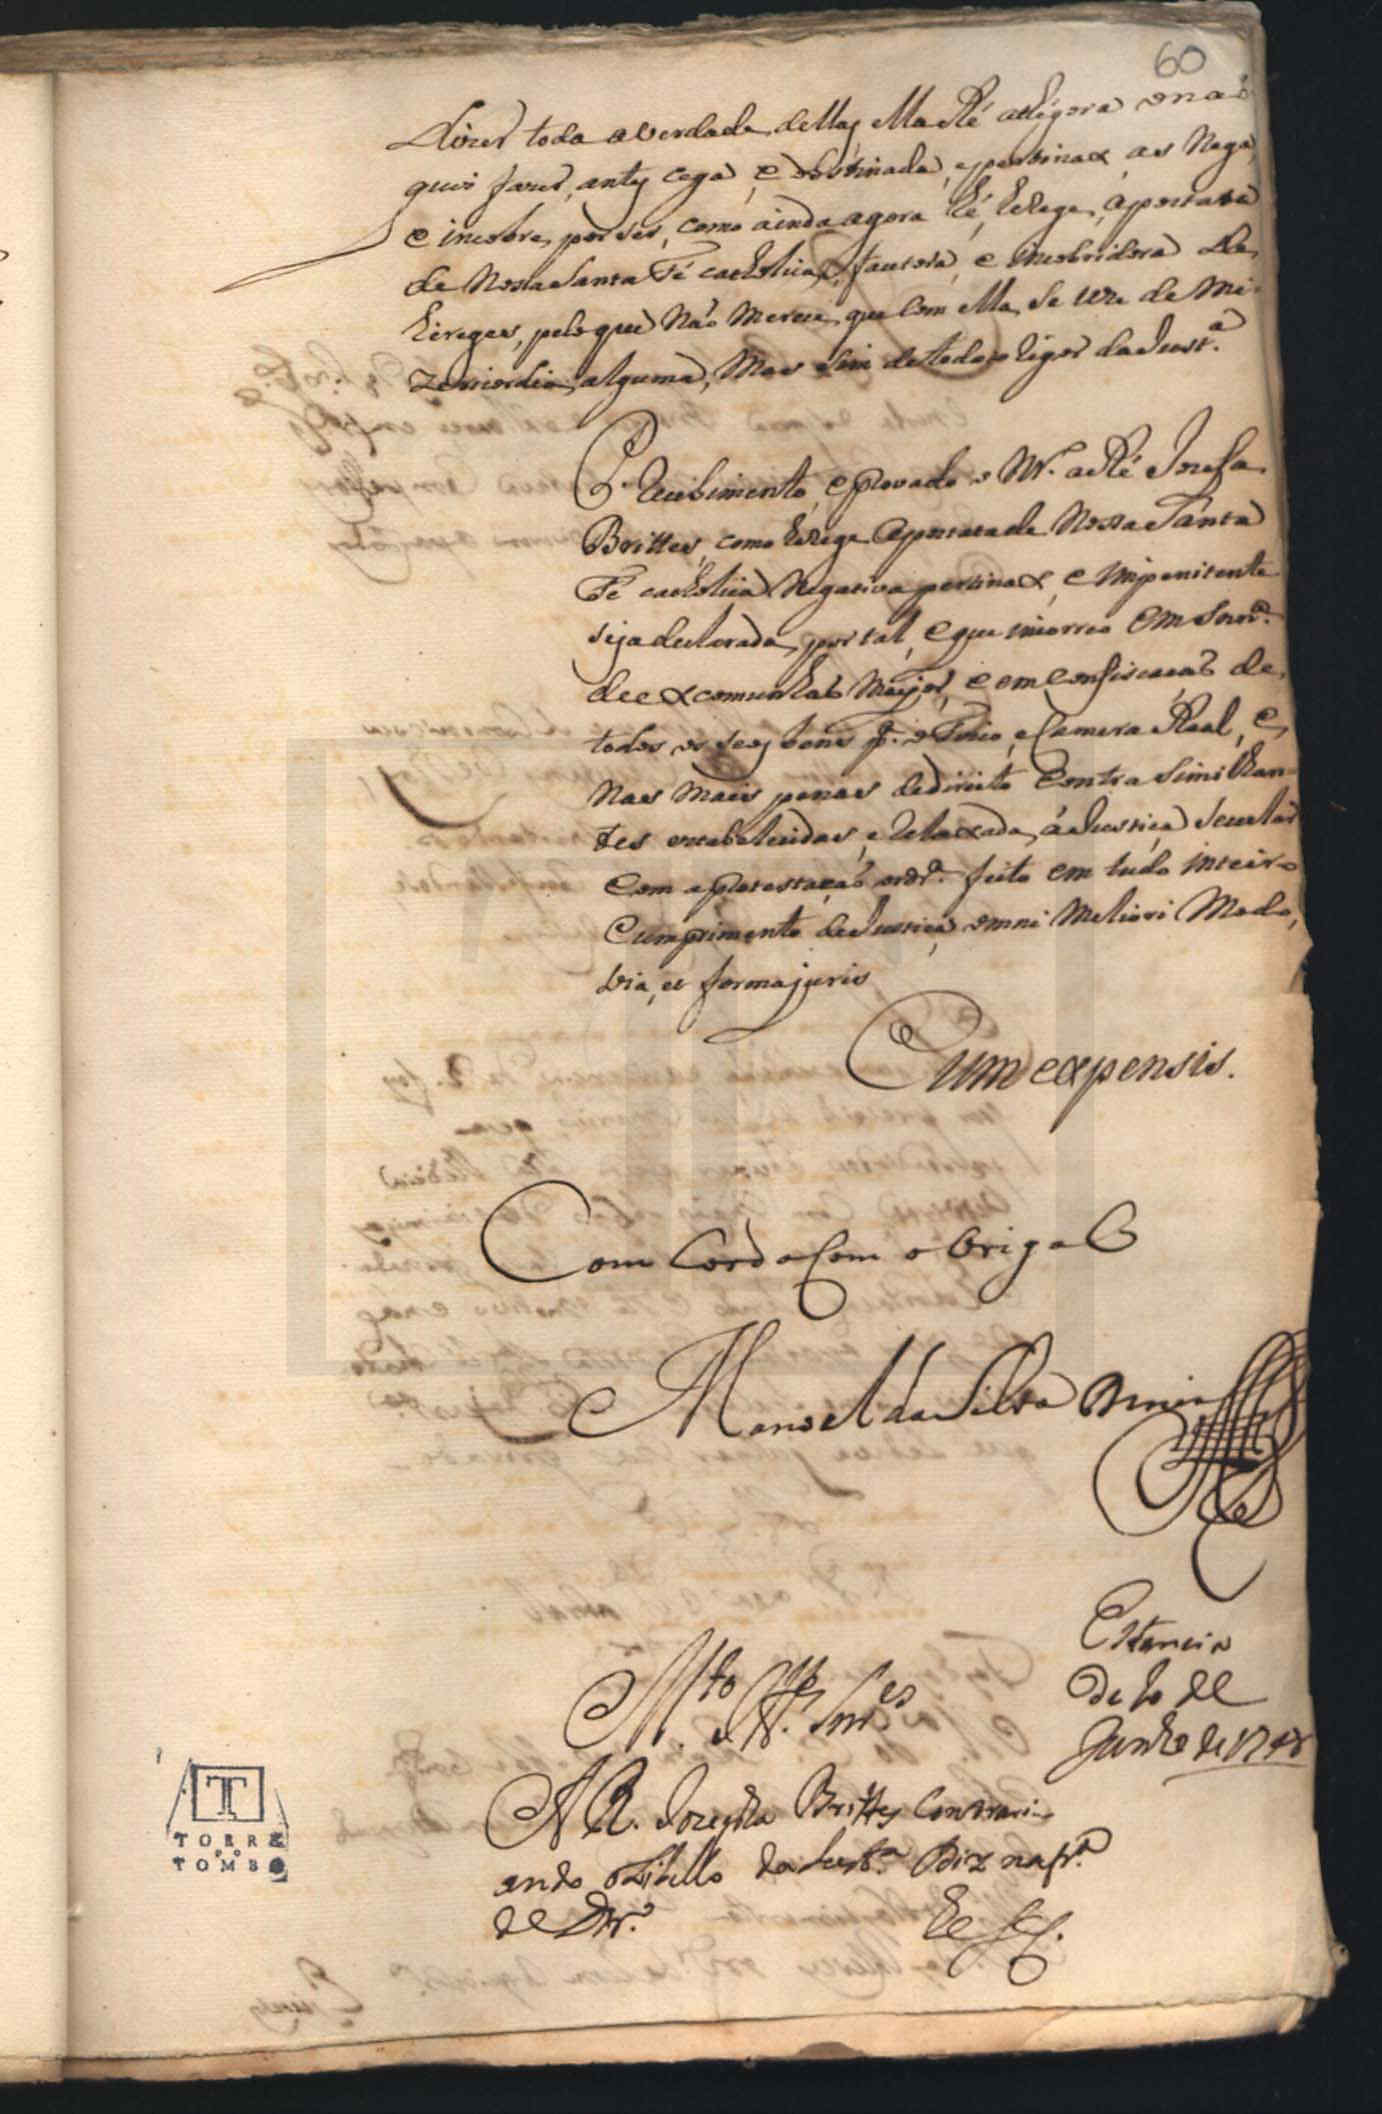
Dizer toda a verdade dellas, ella Ré athé gora o naõ
quis fazer, antes cega, e obstinada, e pertinax as Nega,
e incobre, por ser, como ainda agora hé, heRege, apostata
de Nossa Santa Fé catholica, fautosa, e incobridora De
hereges, pelo que naõ merece que com ella se uze de mi
zericordia alguma, Mas sim de todo o Rigor da Iust.a
P. Recebimento e pRovado o Nr.o a Ré Iozefa
Brittes, como heRege apostata de Nossa Santa
Fé catholica Negativa pertinax, e impenitente
seja declarada, por tal e que incorreo em Snn.a
de excomunhaõ Mayor, e em confiscaçaõ de
todos as seos bens p.a o Fisco, e Camera Real, e,
nas mais penas de direito Contra similhan
tes estabelecidas, e Relaxada, á Iustiça secular
Com a pRotestaçaõ ordr.a feito em tudo inteiro
Cumprimento de Iustiça omni Meliori Modo,
via, et forma juris
Cum expensis.
ComCorda Com obrigaC
Manoel da Silva Maia
Estancia
de 20 de
M.to Ill.es Snr.es
Junho de 1748
A R. Iozepha Brittes Contrari.
ando o Libello da Iust.a Diz na fr.a
de Dr.o
he feC.
